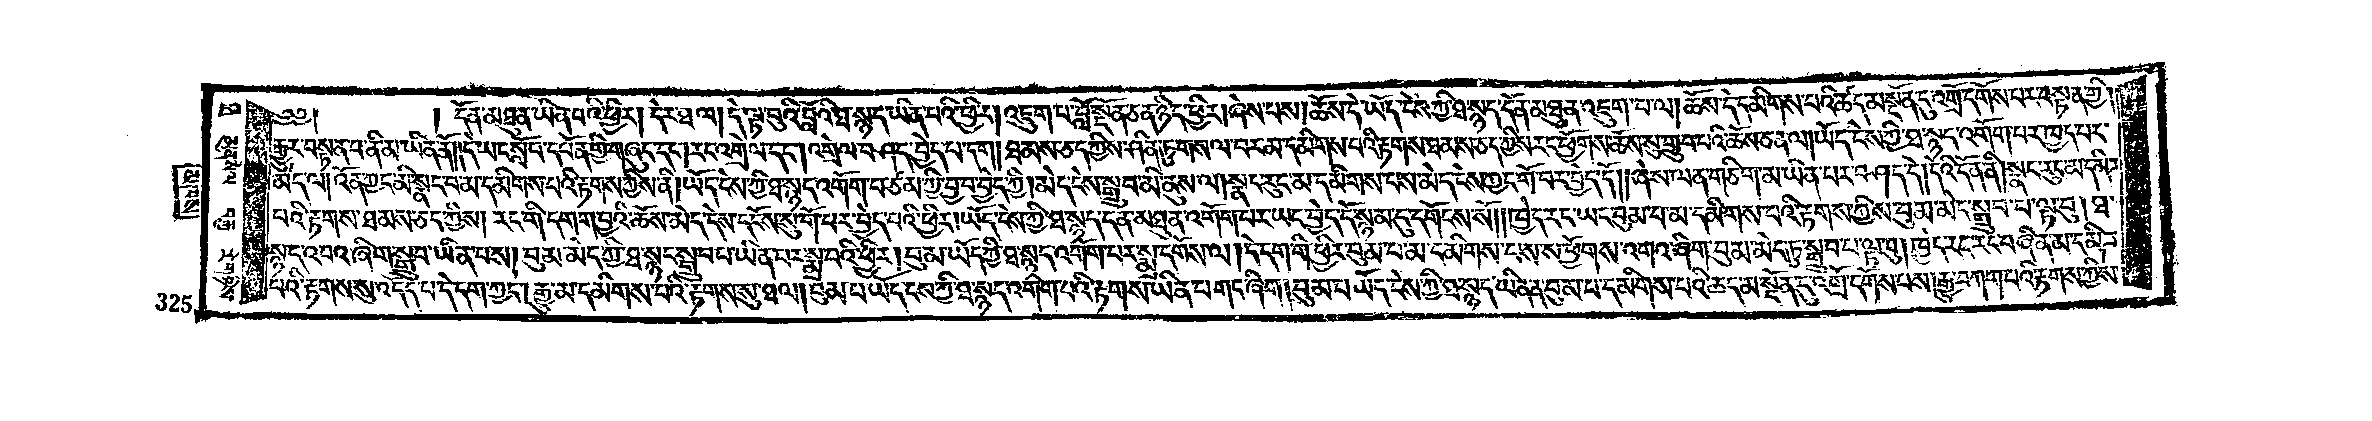༄༅། །དོན་མཐུན་ཡིན་པའི་ཕྱིར། དེར་ཐལ། དེ་ལྟ་བུའི་བློའི་ཐ་སྙད་ཡིན་པའི་ཕྱིར། འཇུག་པ་བློ་སྔོན་ཅན་ཉིད་ཕྱིར། ཞེས་པས། ཆོས་དེ་ཡོད་ངེས་ཀྱི་ཐ་སྙད་དོན་མཐུན་འཇུག་པ་ལ། ཆོས་དེ་དམིགས་པའི་ཚད་མ་སྔོན་དུ་འགྲོ་དགོས་པར་བསྟན་གྱི།
རྒྱུར་བསྟན་པ་ནི་མ་ཡིན་ནོ། །དེ་ཡང་སློབ་དཔོན་གྱི་གཞུང་དང་། རང་འགྲེལ་དང་། འགྲེལ་བཤད་བྱེད་པ་དག། ཐམས་ཅད་ཀྱིས་ཤིན་ཏུ་གསལ་བར་མ་དམིགས་པའི་རྟགས་ཐམས་ཅད་ཀྱིས་རང་ཕྱོགས་ཆོས་སུ་གྲུབ་པའི་ཆོས་ཅན་ལ། ཡོད་ངེས་ཀྱི་ཐ་སྙད་འགོག་པར་ཁྱད་པར་
མེད་ལ། འོན་ཀྱང་མི་སྣང་བ་མ་དམིགས་པའི་རྟགས་ཀྱིས་ནི། ཡོད་ངེས་ཀྱི་ཐ་སྙད་འགོག་པ་ཙམ་གྱི་བྱ་བ་བྱེད་ཀྱི། མེད་ངེས་སྒྲུབ་མི་ནུས་ལ། སྣང་རུང་མ་དམིགས་པས་མེད་ངེས་ཀྱང་གོ་བར་བྱེད་དོ། །ཞེས་ལན་གཅིག་མ་ཡིན་པར་བཤད་དེ། དེའི་དོན་ནི། སྣང་རུང་མ་དམིཌ་
པའི་རྟགས་ཐམས་ཅད་ཀྱིས། རང་གི་དགག་བྱའི་ཆོས་མེད་དེས་དངོས་སུ་གོ་བར་བྱེད་པའི་ཕྱིར། ཡོད་ངེས་ཀྱི་ཐ་སྙད་དན་མཐུན་འགོག་པར་ཡང་བྱེད་དོ་སྙམ་དུ་དགོངས་སོ། །ཁྱེད་རང་ཡང་བུམ་པ་མ་དམིགས་པའི་རྟགས་ཀྱིས་བུམ་མེད་སྒྲུབ་པ་ལྟ་བུ། ཐ་
སྙད་འབའ་ཞིག་སྒྲུབ་ཡིན་པས། བུམ་མེད་ཀྱི་ཐ་སྙད་སྒྲུབ་པ་ཡིན་པར་སྨྲ་བའི་ཕྱིར། བུམ་ཡོད་ཀྱི་ཐ་སྙད་འགོག་པར་སྨྲ་དགོས་ལ། དེ་དག་གི་ཕྱིར་བུམ་པ་མ་དམིགས་པས་ས་ཕྱོགས་འགའ་ཞིག་བུམ་མེད་ཏུ་སྒྲུབ་པ་ལྟ་བུ། ཁྱེད་རང་རང་བཞིན་མ་དམིཌ་
པའི་རྟགས་སུ་འདོད་པ་དེ་དག་ཀྱང་། རྒྱུ་མ་དམིགས་པའི་རྟགས་སུ་ཐལ། བུམ་པ་ཡང་ངེས་ཀྱི་ཐ་སྙད་འགོག་པའི་རྟགས་ཡིན་པ་གང་ཞིག། བུམ་པ་ཡོད་ངེས་ཀྱི་ཐ་སྙད་ཡིན་ན་བུམ་པ་དམིགས་པའི་ཚད་མ་སྔོན་དུ་འགྲོ་དགོས་པས། རྒྱུ་བཀག་པའི་རྟགས་ཀྱིས་